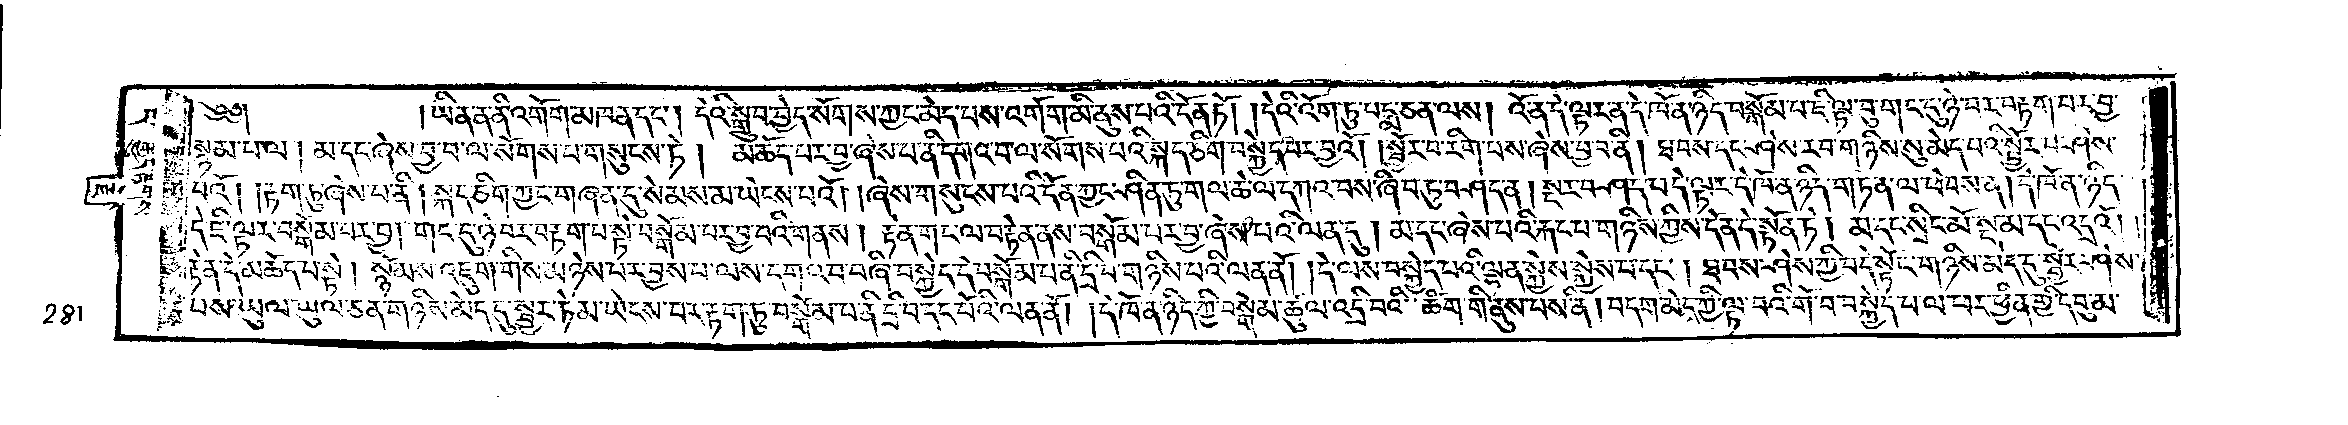༄༅། །ཡིན་ན་ནི་འགོག་མཁན་དང་། དེའི་སྒྲུབ་བྱེད་སོགས་ཀྱང་མེད་པས་འགོག་མི་ནུས་པའི་དོན་ཏོ། །དེའི་འོག་ཏུ་པདམ་ཅན་ལས། འོ་ན་དེ་ལྟར་ན་དེ་ཁོ་ན་ཉིད་བསྒོམ་པ་ཇི་ལྟ་བུ་གང་དུ་ཉེ་བར་བརྟག་པར་བྱ་
སྙམ་པ་ལ། མ་དང་ཞེས་བྱ་བ་ལ་སོགས་པ་གསུངས་ཏེ། མཆོད་པར་བྱ་ཞེས་པ་ནི་དགའ་བ་ལ་སོགས་པའི་སྐད་ཅིག་བསྐྱེད་པར་བྱའོ། །སྦྱོར་བ་རིག་པས་ཞེས་བྱ་བ་ནི། ཐབས་དང་ཤེས་རབ་གཉིས་སུ་མེད་པའི་སྦྱོར་པ་ཤེས་
པའོ། །རྟག་ཏུ་ཞེས་པ་ནི། སྐད་ཅིག་ཀྱང་གཞན་དུ་སེམས་མ་ཡེངས་པའོ། །ཞེས་གསུངས་པའི་དོན་ཀྱང་ཤིན་ཏུ་གལ་ཆེ་ལ་དཀའ་བས་ཞིབ་ཏུ་བཤད་ན། སྔར་བཤད་པ་དེ་ལྟར་དེ་ཁོ་ན་ཉིད་གཏན་ལ་ཕེབས་ན། དེ་ཁོ་ན་ཉིད་
དེ་ཇི་ལྟར་བསྒོམ་པར་བྱ། གང་དུ་ཉེ་བར་བརྟག་པ་སྟེ་བསྒོམ་པར་བྱ་བའི་གནས། རྟེན་གང་ལ་བརྟེན་ནས་བསྒོམ་པར་བྱ་ཞེས་པའི་ལན་དུ། མ་དང་ཞེས་པའི་རྐང་པ་གཉིས་ཀྱིས་དོན་དེ་སྟོན་ཏེ། མ་དང་སྲིང་མོ་སྔ་མ་དང་འདྲའོ། །
རྟེན་དེ་མཆོད་པ་སྟེ། སྙོམས་འཇུག་གིས་མཉེས་པར་བྱས་པ་ལས་དགའ་བ་བཞི་བསྐྱེད་དེ་བསྒོམ་པ་ནི་དྲི་བ་གཉིས་པའི་ལན་ནོ། །དེ་ལས་བསྐྱེད་པའི་ལྷན་སྐྱེས་སྐྱེས་པ་དང་། ཐབས་ཤེས་ཀྱི་བདེ་སྟོང་གཉིས་མེད་དུ་སྦྱོར་ཤེས་
པས་ཡུལ་ཡུལ་ཅན་གཉིས་མེད་དུ་སྦྱར་ཏེ་མ་ཡེངས་བར་རྟག་ཏུ་བསྒོམ་པ་ནི་དྲི་བ་དང་པོའི་ལན་ནོ། །དེ་ཁོ་ན་ཉིད་ཀྱི་བསྒོམ་ཚུལ་འདྲི་བའི་ཚིག་གི་ནུས་པས་ནི། བདག་མེད་ཀྱི་ལྟ་བའི་གོ་བ་བསྐྱེད་པ་ལ་ཕར་ཕྱིན་གྱི་དབུ་མ་